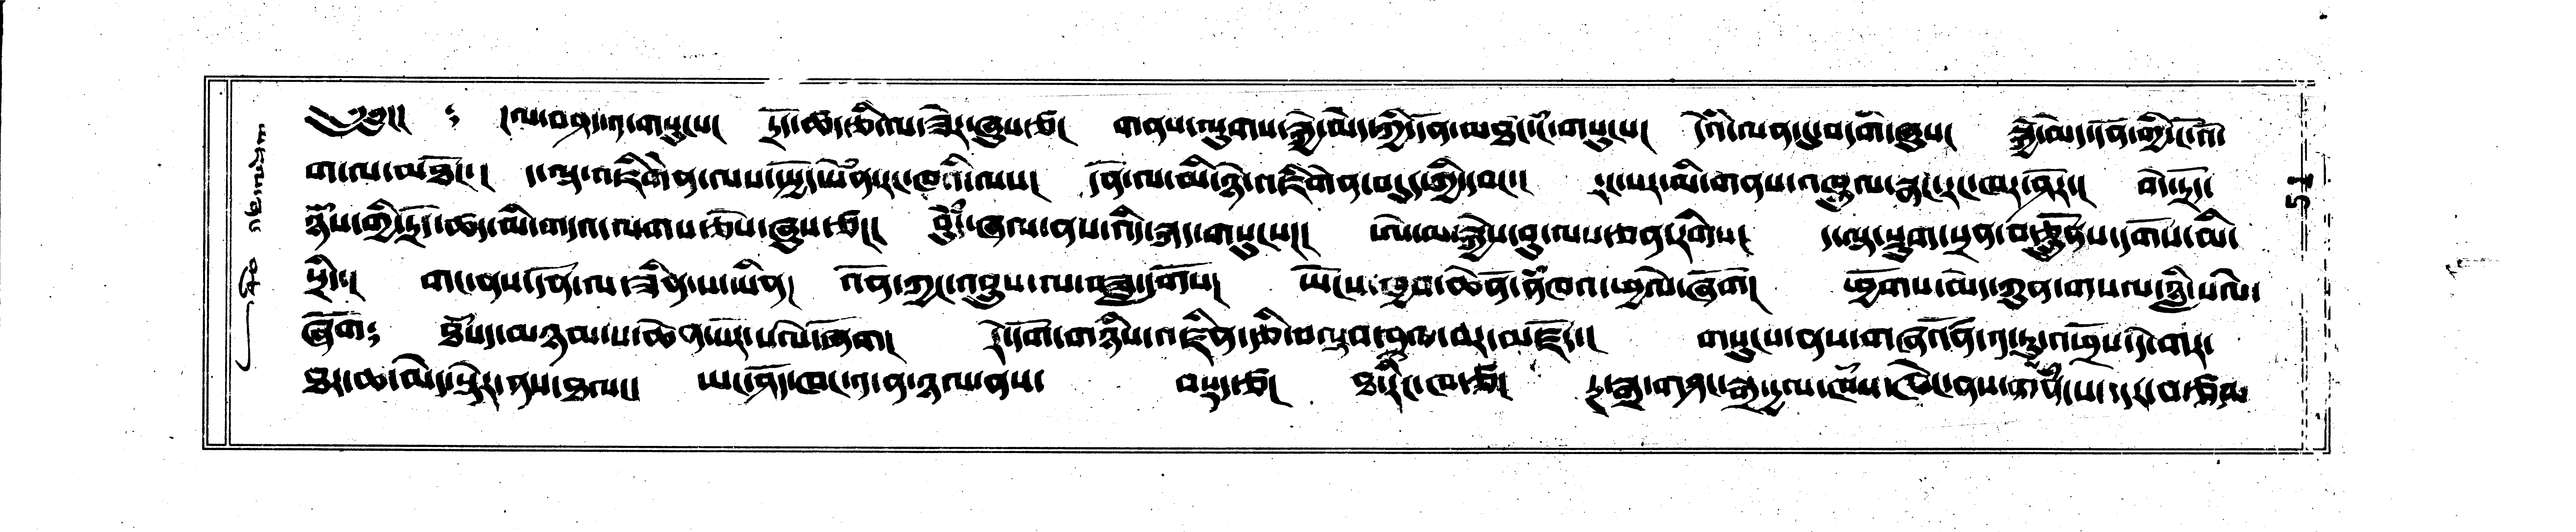ལ་བཤད་གཅིག་གསུངས། དྲོད་ཚད་ཅི་ལ་ཟེར་ཞུས་ཙ། གནས་ལུགས་སྐྱེ་མེད་ཀྱི་དོན་མཐོང་ངམ་གསུངས། དེའི་ལན་དུ་བདག་གིས་ཞུས། སྐྱེ་མེད་དོན་གྱི་ངོ་བོ་
ག་ལ་མཐོང་། ད་ལྟ་འཇིག་རྟེན་ལས་སྤྱོད་སེམས་ཅན་རང་ཁའི་ལས། དོན་ལ་མི་ཉེ་འཇིག་རྟེན་བདུད་ཀྱི་དབང་། རང་སར་མི་གནས་འཁྲུལ་སྣང་རང་ཁར་ཤོར། བདེ་དྲོད་
ཉམས་གྱི་དྲོད་ཚད་མི་གདའ་ལགས་ཅེས་ཞུས་ཙ། བུད་མེད་ཞལ་ནས་འདི་སྐད་གསུངས།། ཨེ་མ་སྐྱེས་བུ་ལས་ཅན་རིགས། ད་ལྟ་སྡུག་བསྲན་བརྩོན་འགྲུས་དགོས་མི་
སྲིད། གང་ནས་དོན་ལ་ཟིན་པ་ཡིན། འོན་ཀྱང་འབྲས་བུ་ལ་བཟླ་དགོས། ཡོངས་ཁྱབ་ཆེན་པོ་ནམ་མཁའ་ཕྱལེ་ཞོག ཕྱོགས་མེད་ཀུན་གསལ་ཉི་ཟླ་སལེ་
ཞོག ཐམས་ཅད་མཉམ་པ་ཆེན་པོར་སལེ་ཞོག རེ་དོགས་གཉིས་འཛིན་རྩིས་གདབ་བྲལ་བར་མཛོད། གསུངས་ནས་གཞའ་ཚོན་གཅིག་ཏུ་འཕྲོས་དེ་གར་
ཐལ་ཆ་མེད་སྟོར་ནས་ཐལ།། ཡང་ཤོད་ཁང་གཅིག་ན་ཉལ་ནས་བསྡད་ཙ། ཐ་རིང་ཁ་ཙ། རྔ་སྒྲ་གཤང་སྒྲ་རྒྱལ་ཁམས་ཁེང་ནས་གནམ་ས་འདར་བ་ཙམ་